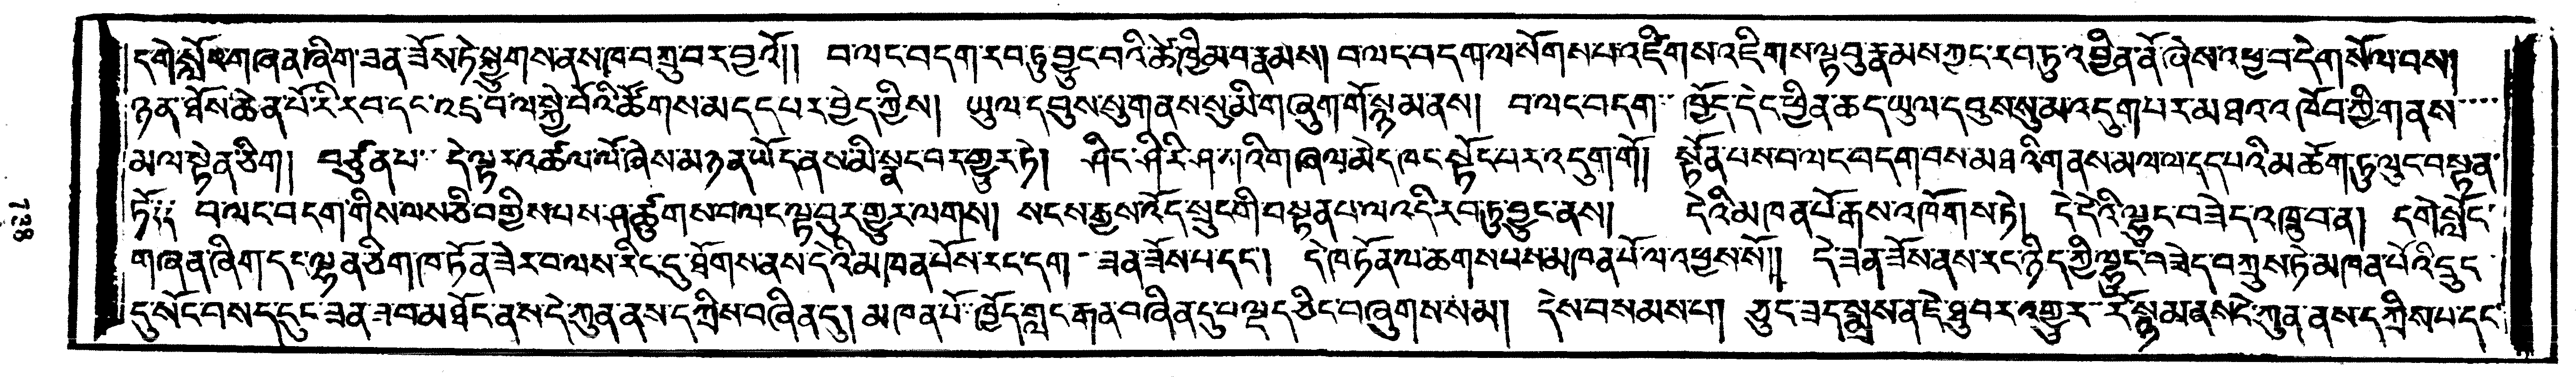དགེ་སློང་གཞན་ཞིག་ཟན་ཟོས་ཏེ་སྐྱུགས་ནས་ཁ་བཀྲུ་བར་བྱའོ། །བ་ལང་བདག་རབ་ཏུ་བྱུང་བའི་ཚེ་ཁྱིམ་བ་རྣམས། བ་ལང་བདག་ལ་སོགས་པ་འཛིགས་འཇིགས་ལྟ་བུ་རྣམས་ཀྱང་རབ་ཏུ་འབྱིན་ནོ་ཞེས་འཕྱ་བ་དེ་གསོལ་བས།
ཉན་ཐོས་ཆེན་པོ་རི་རབ་དང་འདྲ་བ་ལ་སྐྱེ་བོའི་ཚོགས་མ་དད་པར་བྱེད་ཀྱིས། ཡུལ་དབུས་སུ་གནས་སུ་མི་གཞུག་གོ་སྙམ་ནས། བ་ལང་བདག༑ ཁྱོད་དེང་ཕྱིན་ཆད་ཡུལ་དབུས་སུ་མ་འདུག་པར་མཐའ་འཁོབ་ཀྱི་གནས་
མལ་སྟེན་ཅིག། བཙུན་པ༑ དེ་ལྟར་འཚལ་ལོ་ཞེས་མཉན་ཡོད་ནས་མི་སྣང་བར་གྱུར་ཏེ། ཤིང་ཤི་རི་ཤ་ཀའི་གཞལ་མེད་ཁང་སྟོང་པར་འདུག་གོ། སྟོན་པས་བ་ལང་བདག་བས་མཐའི་གནས་མལ་ལ་དད་པའི་མཆོག་ཏུ་ལུང་བསྟན་
ཏོ༑༑ བ་ལང་བདག་གིས་ལས་ཅི་བགྱིས་པས་ཤ་ཚུགས་བ་ལང་ལྟ་བུར་གྱུར་ལགས། སངས་རྒྱས་འོད་སྲུང་གི་བསྟན་པ་ལ་འདི་རབ་ཏུ་བྱུང་ནས། དེའི་མཁན་པོ་རྒས་འཁོགས་ཏེ། དེ་དེའི་ལྷུང་བཟེད་འཁྲུ་བ་ན། དགེ་སློང་
གཞན་ཞིག་དང་ལྷན་ཅིག་ཁ་ཏོན་ཟེར་བ་ལས་རིང་དུ་ཐོགས་ནས་དེའི་མཁན་པོས་རང་དག་ཟན་ཟོས་པ་དང་། དེ་ཁ་ཏོན་ལ་ཆགས་པས་མཁན་པོ་ལ་འཕྱས་སོ། །དེ་ཟན་ཟོས་ནས་རང་ཉིད་ཀྱི་ལྷུང་བཟེད་བཀྲུས་ཏེ་མཁན་པོའི་དྲུང་
དུ་སོང་བསད་དུང་ཟན་ཟ་བ་མཐོང་ནས་དེ་ཀུན་ནས་དཀྲིས་བཞིན་དུ། མཁན་པོ༑ ཁྱོད་གླང་རྒན་བཞིན་དུ་བལྡད་ཅིང་བཞུགས་སམ། དེས་བསམས་པ། ཅུང་ཟད་སྨྲས་ན་ཇེ་ཐུ་བར་འགྱུར་རོ་སྙམ་ནས་ངེ་ཀུན་ནས་དཀྲིས་པ་དང་